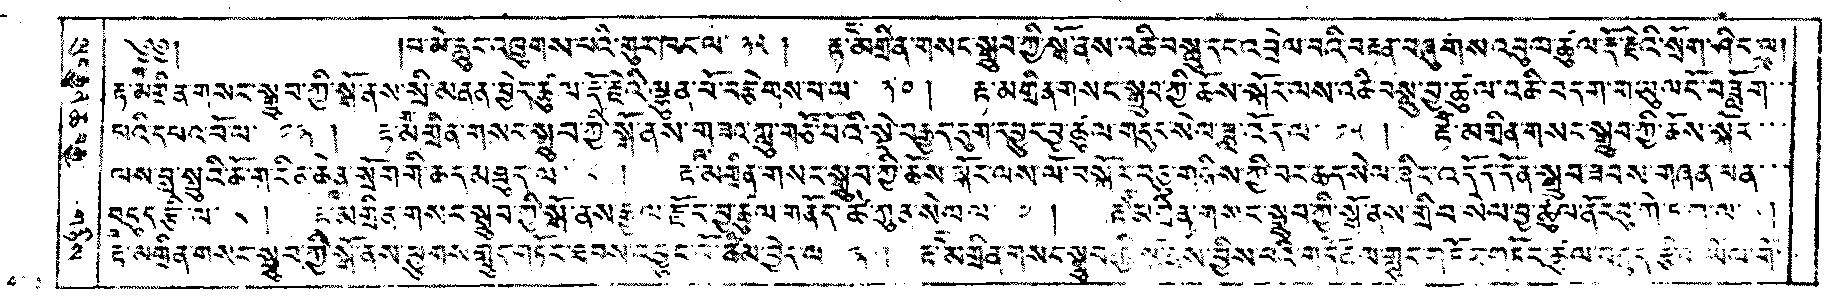༄༅། །པ་མེ་རླུང་འཁྲུགས་པའི་གུར་ཁང་ལ ༢༥། ར་རྟ་མགྲིན་གསང་སྒྲུབ་ཀྱི་སྒོ་ནས་འཆི་བསླུ་དང་འབྲེལ་བའི་བརྟན་བཞུགས་འབུལ་ཚུལ་རྡོ་རྗེའི་སྲོག་ཤིང་ལ ༡༤།
ཀ་རྟ་མགྲིན་གསང་སྒྲུབ་ཀྱི་སྒོ་ནས་སྲི་མནན་བྱེད་ཚུལ་རྡོ་རྗེའི་ལྷུན་པོ་བརྩེགས་པ་ལ ༢༠། རྟ་མགྲིན་གསང་སྒྲུབ་ཀྱི་ཆོས་སྐོར་ལས་འཆི་བསླུ་བྱ་ཚུལ་འཆི་བདག་གཡུལ་ངོ་བཟློག་
པའི་དཔའ་བོ་ལ ༡༣། རྟ་ག་མགྲིང་སང་སྒྲུབ་ཀྱི་སྒོ་ནས་གཟའ་ཀླུ་གཙོ་བོའི་སྡེ་བརྒྱད་དུག་དབྱུང་བྱ་ཚུལ་གདུང་སེལ་ཟླ་འོད་ལ ༡༤། རྟ་ག་མགྲིན་གསང་སྒྲུབ་ཀྱི་ཆོས་སྐོར་
ལས་བླ་སླུའི་ཆོ་ག་རིན་ཆེན་སྲོག་གི་ཆད་མཐུད་ལ ༨། རྟ་ཁ་མགྲིན་གསང་སྒྲུབ་ཀྱི་ཆོས་སྐོར་ལས་ལོ་བསྐོར་བཅུ་གཉིས་ཀྱི་བར་ཆད་སེལ་ཞིང་འདོད་དོན་སྒྲུབ་ཐབས་གཞན་ཕན་
བདུད་རྩི་ལ ༨། ཁ་རྟ་མགྲིན་གསང་སྒྲུབ་ཀྱི་སྒོ་ནས་རྒྱལ་རྫོང་བྱ་ཚུལ་གནོད་ཚེ་ཀུན་སེལ་ལ ༧། ཅ་རྟ་མགྲིན་གསང་སྒྲུབ་ཀྱི་སྒོ་ནས་གྲིབ་སེལ་བྱ་ཚུལ་ནོར་བུ་ཀེ་ཏ་ཀ་ལ ༣།
ཁ་རྟ་མགྲིན་གསང་སྒྲུབ་ཀྱི་སྒོ་ནས་ཕྱུགས་གླུད་གཏོང་ཐབས་འབྱུང་པོ་ཚིམ་བྱེད་ལ ༣། ང་རྟ་མགྲིན་གསང་སྒྲུབ་ཀྱི་སྒོ་ནས་བྱིས་པའི་གདོན་ལ་གླུད་གཏོར་གཏོང་ཚུལ་བདུད་རྩིའི་ཡོལ་གོ་